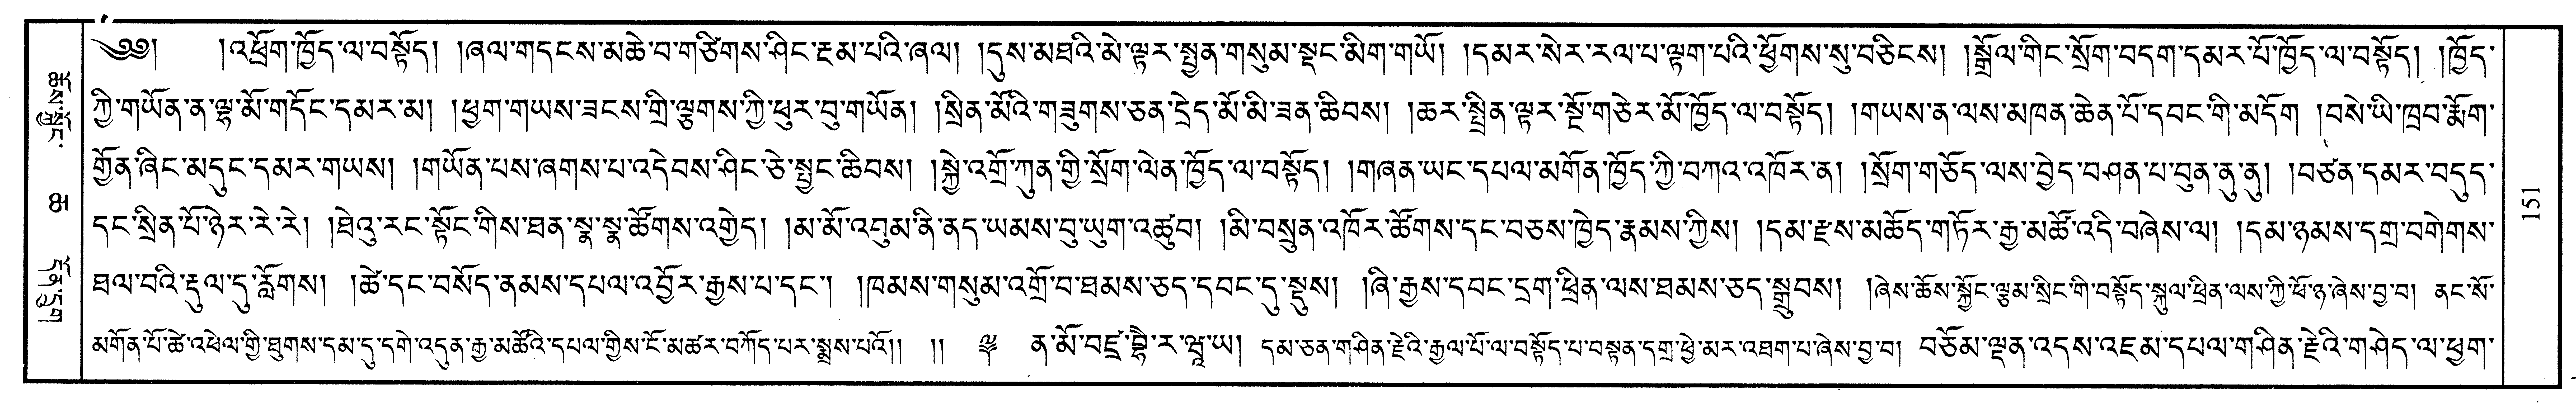༄༅། །འཕྲོག་ཁྱོད་ལ་བསྟོད། །ཞལ་གདངས་མཆེ་བ་གཙིགས་ཤིང་རྔམ་པའི་ཞལ། །དུས་མཐའི་མེ་ལྟར་སྤྱན་གསུམ་སྡང་མིག་གཡོ། །དམར་སེར་རལ་པ་ལྟག་པའི་ཕྱོགས་སུ་བཅིངས། །སྒྲོལ་གིང་སྲོག་བདག་དམར་པོ་ཁྱོད་ལ་བསྟོད། །ཁྱོད་
ཀྱི་གཡོན་ན་ལྷ་མོ་གདོང་དམར་མ། །ཕྱག་གཡས་ཟངས་གྲི་ལྕགས་ཀྱི་ཕུར་བུ་གཡོན། །སྲིན་མོའི་གཟུགས་ཅན་དྲེད་མོ་མི་ཟན་ཆིབས། །ཆར་སྤྲིན་ལྟར་སྔོ་གཅེར་མོ་ཁྱོད་ལ་བསྟོད། །གཡས་ན་ལས་མཁན་ཆེན་པོ་དབང་གི་མདོག །བསེ་ཡི་ཁྲབ་རྨོག་
གྱོན་ཞིང་མདུང་དམར་གཡས། །གཡོན་པས་ཞགས་པ་འདེབས་ཤིང་ཅེ་སྤྱང་ཆིབས། །སྐྱེ་འགྲོ་ཀུན་གྱི་སྲོག་ལེན་ཁྱོད་ལ་བསྟོད། །གཞན་ཡང་དཔལ་མགོན་ཁྱོད་ཀྱི་བཀའ་འཁོར་ན། །སྲོག་གཅོད་ལས་བྱེད་བཤན་པ་བུན་ནུ་ནུ། །བཙན་དམར་བདུད་
དང་སྲིན་པོ་ཉེར་རེ་རེ། །ཐེའུ་རང་སྟོང་གིས་ཐན་སྣ་སྣ་ཚོགས་འགྱེད། །མ་མོ་འབུམ་ནི་ནད་ཡམས་བུ་ཡུག་འཚུབ། །མི་བསྲུན་འཁོར་ཚོགས་དང་བཅས་ཁྱེད་རྣམས་ཀྱིས། །དམ་རྫས་མཆོད་གཏོར་རྒྱ་མཚོ་འདི་བཞེས་ལ། །དམ་ཉམས་དགྲ་བགེགས་
ཐལ་བའི་རྡུལ་དུ་རློགས། །ཚེ་དང་བསོད་ནམས་དཔལ་འབྱོར་རྒྱས་པ་དང་། །ཁམས་གསུམ་འགྲོ་བ་ཐམས་ཅད་དབང་དུ་སྡུས། །ཞི་རྒྱས་དབང་དྲག་ཕྲིན་ལས་ཐམས་ཅད་སྒྲུབས། །ཞེས་ཆོས་སྐྱོང་ལྕམ་སྲིང་གི་བསྟོད་སྐུལ་ཕྲིན་ལས་ཀྱི་ཕོ་ཉ་ཞེས་བྱ་བ། ནང་སོ་
མགོན་པོ་ཚེ་འཕེལ་གྱི་ཐུགས་དམ་དུ་དགེ་འདུན་རྒྱ་མཚོའི་དཔལ་གྱིས་ངོ་མཚར་བཀོད་པར་སྨྲས་པའོ།། །། ༈ ན་མོ་བཛྲ་བྷཻ་ར་ཝཱ་ཡ། དམ་ཅན་གཤིན་རྗེའི་རྒྱལ་པོ་ལ་བསྟོད་པ་བསྟན་དགྲ་ཕྱེ་མར་འཐག་པ་ཞེས་བྱ་བ། བཅོམ་ལྡན་འདས་འཇམ་དཔལ་གཤིན་རྗེའི་གཤེད་ལ་ཕྱག་